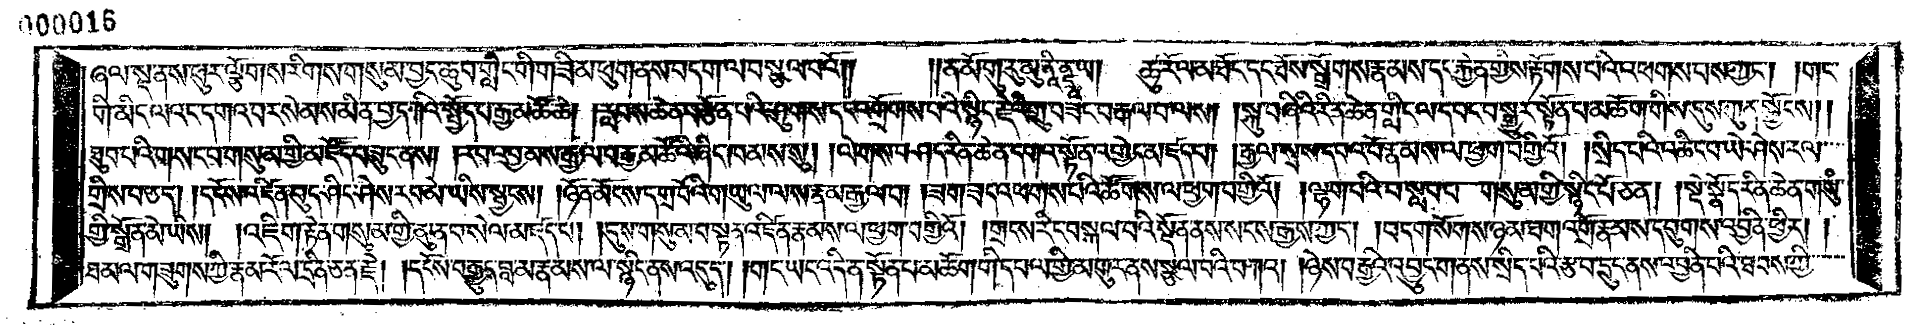ཞལ་སྡ་ནས་ཕུར་ལྕོགས་རིགས་གསུམ་བྱང་ཆུབ་གླིང་གི་གཟིམ་ཕུག་ནས་བདག་ལ་བསྩལ་བའོ།། །།ན་མོ་གུ་རུ་མུ་ནཱི་ནྡྲཱ་ཡ། ཚུ་རོལ་མཐོང་དང་ཐོས་སྒྲོགས་རྣམས་དང་རྐྱེན་གྱིས་རྟོགས་པའི་འཕགས་པས་ཀྱང་། །གང་
གི་མིང་ལའང་དགའ་བར་སེམས་མིན་བྱ་དཀའི་སྤྱོད་པ་རྒྱ་མཚོ་ཆེ། །རླབས་ཆེན་བརྩོན་པའི་ཤུགས་དང་འགྲོགས་པའི་སྙིང་རྗེའི་གྲུ་བཟང་བརྒལ་བ་ལས། །སྐུ་བཞིའི་རིན་ཆེན་གླིང་ལ་དབང་བསྒྱུར་སྟོན་པ་མཆོག་གིས་དུས་ཀུན་སྐྱོང།།
ཐུབ་པའི་གསང་བ་གསུམ་གྱི་མཛོད་བཟུང་ནས། །རབ་འབྱམས་རྒྱལ་བ་བརྒྱ་མཚོའི་ཞིང་ཁམས་སུ། །ལེགས་བཤད་རིན་ཆེན་དགའ་སྟོན་འགྱེད་མཛད་པ། །རྒྱལ་སྲས་དཔའ་བོ་རྣམས་ལ་ཕྱག་བགྱིའོ། །སྲིད་པའི་འཆིང་བ་ཡེ་ཤེས་རལ་
གྲིས་བཅད། །དངོས་འཛིན་བུད་ཤིང་ཤེས་རབ་མེ་ཡིས་སྦྱངས། །ཉོན་མོངས་དགྲ་བོའི་གཡུལ་ལས་རྣམ་རྒྱལ་བ། །ཟག་ཟད་འཕགས་པའི་ཚོགས་ལ་ཕྱག་བ་གྱིའོ། །ལྷག་པའི་བསླབ་པ་གསུམ་གྱི་སྙིང་པོ་ཅན། །སྡེ་སྣོད་རིན་ཆེན་གསུཾ་
གྱི་སྒྲོན་མེ་ཡིས། །འཇིག་རྟེན་གསུམ་གྱི་མུན་བ་སེལ་མཛད་པ། །དུས་གསུམ་བསྟན་འཛིན་རྣམས་ལ་ཕྱག་བགྱིའོ། །གྲངས་རིང་བསྐལ་བའི་སྡོན་ནས་སངས་རྒྱས་ཀྱང་། །བདག་སོགས་ཉམ་ཐག་འགྲོ་རྣམས་དབུགས་འབྱིན་ཕྱིར། །
ཐ་མལ་གཟུགས་ཀྱི་རྣམ་རོལ་དྲིན་ཅན་རྗེ། །དངོས་བརྒྱུད་བླ་མ་རྣམས་ལ་སྙིང་ནས་འདུད། །གང་ཡང་འདི་ན་སྟོན་པ་མཆོག་གི་དཔལ་གྱི་མགུར་ནས་སྩལ་བའི་བཀའ། །ཉེས་བརྒྱའི་འབྱུང་གནས་སྲིད་པའི་རྩ་བ་དྲུང་ནས་འབྱིན་པའི་ཐབས་ཀྱི་